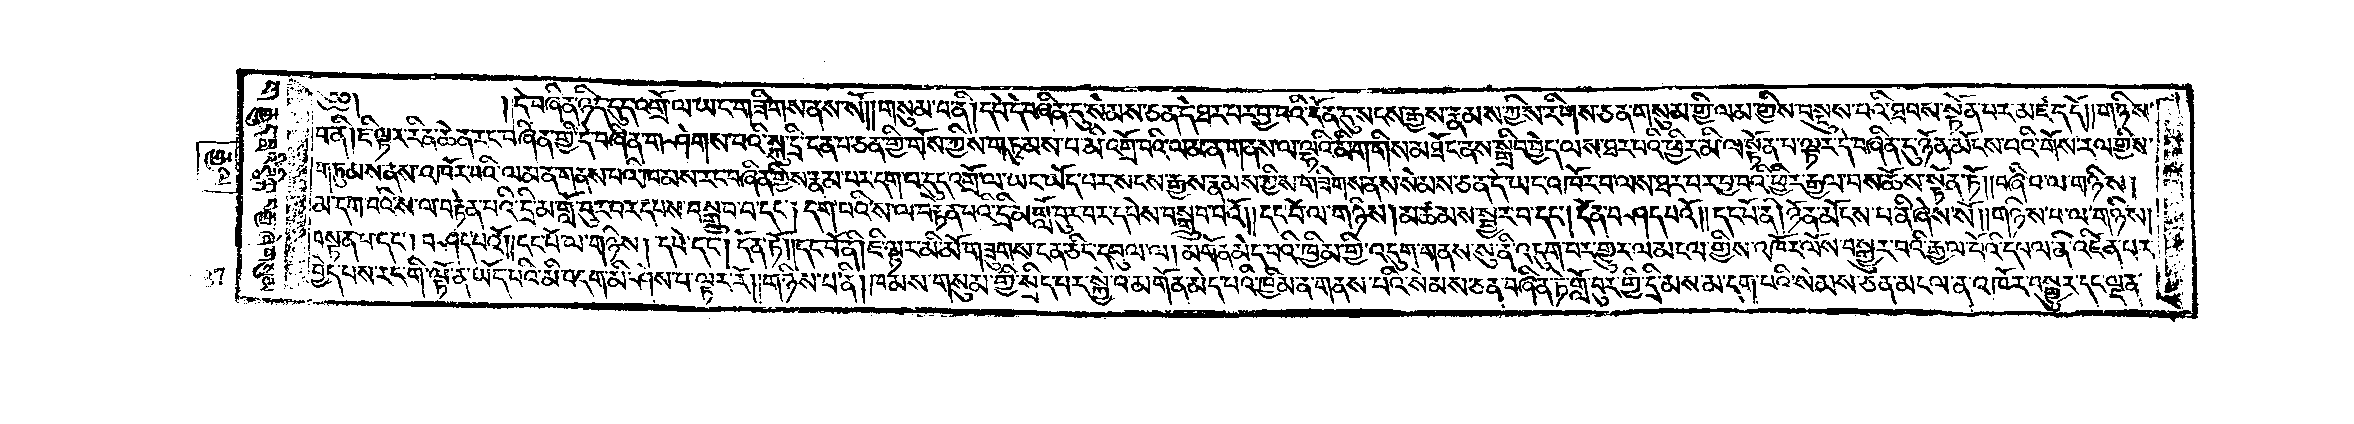༄༅། །དེ་བཞིན་ཉིད་དུད་འགྲོ་ལ་ཡང་གཟིགས་ནས་སོ། །གསུམ་པ་ནི། དཔེ་དེ་བཞིན་དུ་སེམས་ཅན་དེ་ཐར་པར་བྱ་བའི་དོན་དུ་སངས་རྒྱས་རྣམས་ཀྱིས་རིགས་ཅན་གསུམ་གྱི་ལམ་གྱིས་བསྡུས་པའི་ཐབས་སྟོན་པར་མཛད་དོ། །གཉིས་
པ་ནི། ཇི་ལྟར་རིན་ཆེན་རང་བཞིན་གྱི་དེ་བཞིན་གཤེགས་པའི་སྐུ་དྲི་ངན་པ་ཅན་གྱི་གོས་ཀྱིས་གཏུམས་པ་མི་འགྲོ་བའི་ལམ་ན་གནས་ལ་ལྷའི་མིག་གིས་མཐོང་ནས་སྒྲིབ་བྱེད་ལས་ཐར་པའི་ཕྱིར་མི་ལ་སྟོན་པ་ལྟར་དེ་བཞིན་དུ་ཉོན་མོངས་པའི་གོས་རལ་གྱིས་
གཏུམས་ནས་འཁོར་བའི་ལམ་ན་གནས་པའི་ཁམས་རང་བཞིན་གྱིས་རྣམ་པར་དག་པ་དུད་འགྲོ་ལ་ཡང་ཡོད་པར་སངས་རྒྱས་རྣམས་ཀྱིས་གཟིགས་ནས་སེམས་ཅན་དེ་ཡང་འཁོར་བ་ལས་ཐར་པར་བྱ་བའི་ཕྱིར་རྒྱལ་བས་ཆོས་སྟོན་ཏོ། །བཞི་པ་ལ་གཉིས།
མ་དག་པའི་ས་ལ་བརྟེན་པའི་དྲི་མ་གློ་བུར་བར་དཔས་བསྒྲུབ་པ་དང་། དག་པའི་ས་ལ་བརྟེན་པའི་དྲི་མ་གློ་བུར་བར་དཔེས་བསྒྲུབ་པའོ། །དང་པོ་ལ་གཉིས། མཚམས་སྦྱར་བ་དང་། དོན་བཤད་པའོ། །དང་པོ་ནི། ཉོན་མོངས་པ་ནི་ཞེས་སོ། །གཉིས་པ་ལ་གཉིས།
བསྟན་པ་དང་། བཤད་པའོ། །དང་པོ་ལ་གཉིས། དཔེ་དང་། དོན་ཏོ། །དང་པོ་ནི། ཇི་ལྟར་མི་མོ་གཟུགས་ངན་ཅིང་དབུལ་ལ། མགོན་མེད་པའི་ཁྱིམ་གྱི་འདུག་གནས་སུ་ནི་འདུག་པར་གྱུར་ལ་མངལ་གྱིས་འཁོར་ལོས་བསྒྱུར་བའི་རྒྱལ་པོའི་དཔལ་ནི་འཛིན་པར་
བྱེད་པས་རང་གི་ལྟོ་ན་ཡོད་པའི་མི་བདག་མི་ཤེས་པ་ལྟར་རོ། །གཉིས་པ་ནི། ཁམས་གསུམ་གྱི་སྲིད་པར་སྐྱེ་བ་མགོན་མེད་པའི་ཁྱིམ་ན་གནས་པའི་སེམས་ཅན་བཞིན་ཏེ་གློ་བུར་གྱི་དྲི་མས་མ་དག་པའི་སེམས་ཅན་མངལ་ན་འཁོར་བསྒྱུར་དང་ལྡན་